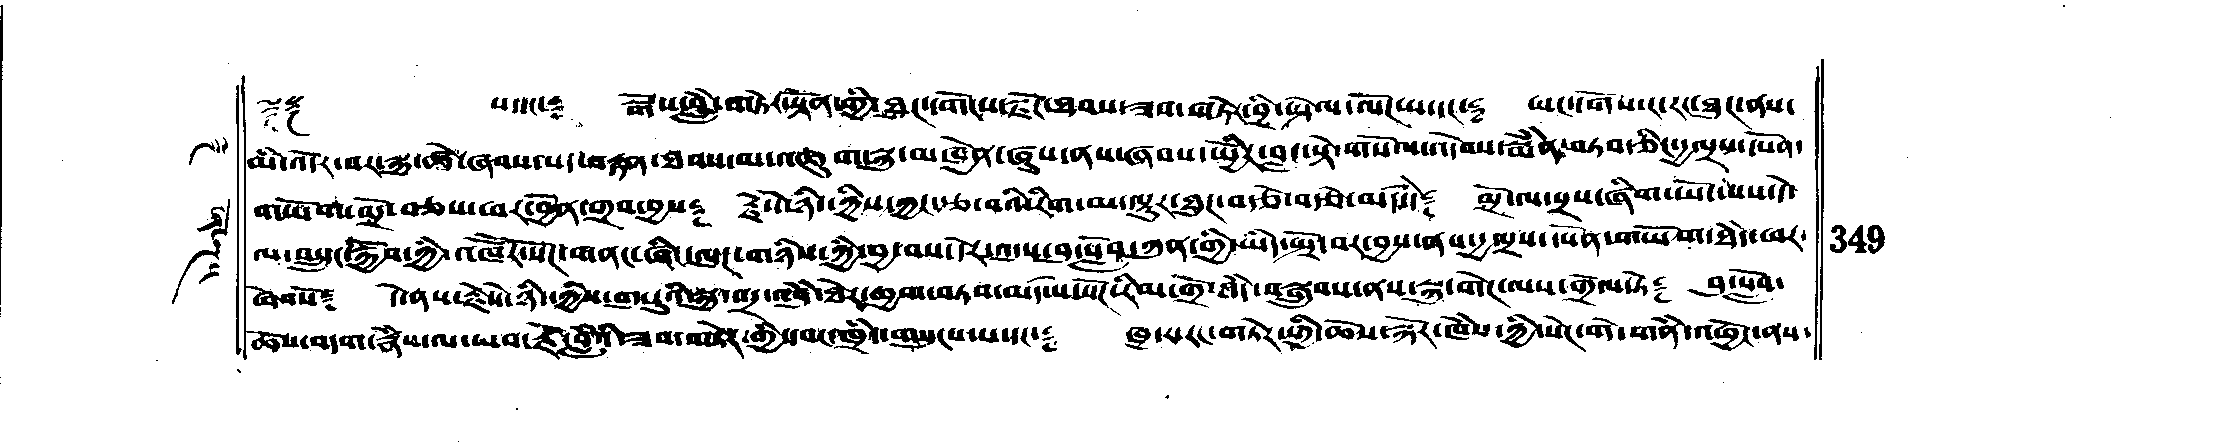པ་དང་། སྒོས་བླ་མ་གཏེར་སྟོན་གྱི་ཐུགས་དགོངས་རྫོགས་ཐབས་ཟབ་གཏེར་བྲི་སྤེལ་ལ་སོགས་པ་དང་།ཡང་སྒོས་ང་རང་ཐུགས་ནས་
མི་འདོར་བར་སྐུ་ཚེ་ཞབས་པད་བརྟན་ཐབས་མ་འཆུག་སྐུ་མཁྱེན་ཞུས་ནས་ཞབས་སྤྱི་བོར་བླང་སྟེ་གསོལ་འདེབས་སྨོན་ལམ་བཏབ་ཅིང་རྒྱལ་སྲས་དཔོན་
གཡོག་མཁའ་འགྲོ་བཅས་ཕར་བྱོན་གྲབས་བྱས། རྗེ་དེ་ཉིད་ཀྱིས་ཀྱང་རྩ་བའི་རིག་མ་ལྟ་བུར་ཐུགས་བརྩེ་བརྩེ་མཛད་དེ། མཁའ་འགྲོ་ལ་སྲས་ཞིག་ཡོད་པས་དེ་
ལ་བསྲུང་སྐྱོབ་ཀྱི་འཁོར་ལོ་སོགས་གནང་ཞིང་ལུགས་གཉིས་ཀྱི་བྱ་བས་དེར་འདུས་བུ་སློབ་ཀུན་གྱི་ཡིད་སྤྲོ་བར་བྱས་ནས་རྒྱལ་སྲས་དཔོན་གཡོག་ཐམས་ཅད་ཕར་
ཕེབས་སོ། དེ་ནས་རྗེ་དེ་ཉིད་ཀྱིས་གུ་རུའི་སྐུ་འདྲ་འབུམ་ཐེར་ཕྱག་བཏབ་མཛད་པ་སོགས་རིམ་གྲོ་ཐམས་ཅད་བསྒྲུབས་ནས་སྐུ་གེགས་ལས་གྲོལ་ཏེ། བུ་སློབ་
ཆོས་བདག་རྣམས་ལ་ཡབ་རྗེ་བླ་མའི་ཟབ་གཏེར་གྱི་དབང་ཁྲིད་གསུངས་པ་དང་། ཁྱད་པར་གཏེར་གྱི་ཆོས་སྐོར་ཁམས་ཀྱི་སེང་གེ་གནམ་འཕྱོང་ནས་